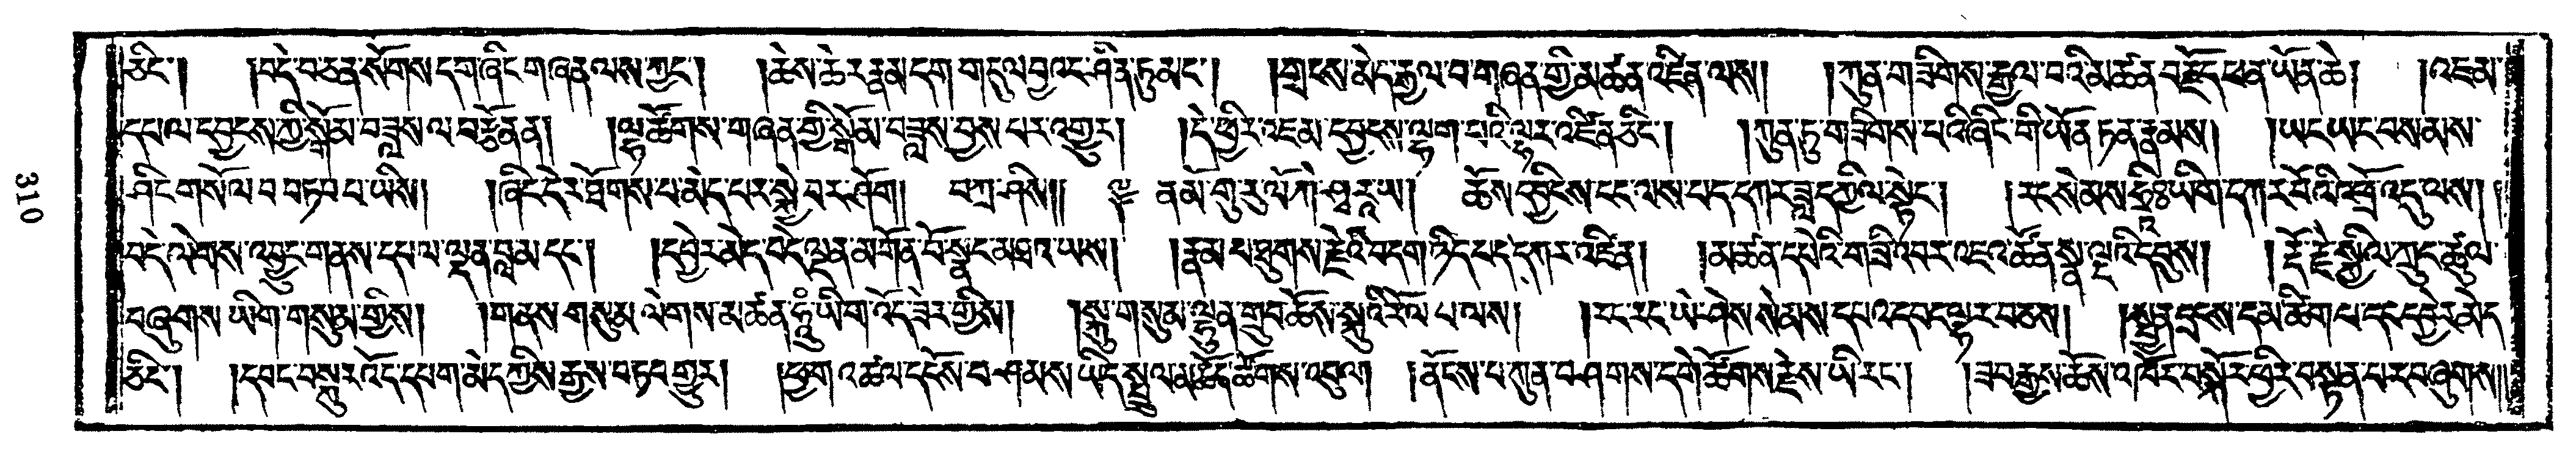ཅིང་། །བདེ་བ་ཅན་སོགས་དག་ཞིང་གཞན་ལས་ཀྱང་། །ཆེས་ཆེར་རྣམ་དག་གདུལ་བྱའང་ཤིན་ཏུ་མང་། །གྲངས་མེད་རྒྱལ་བ་གཞན་གྱི་མཚན་འཛིན་ལས། །ཀུན་གཟིགས་རྒྱལ་བའི་མཚན་བརྗོད་ཕན་ཡོན་ཆེ། །འཇམ་
དཔལ་དབྱངས་ཀྱི་སྒོམ་བཟླས་ལ་བརྩོན་ན། །ལྷ་ཚོགས་གཞན་གྱི་སྒོམ་བཟླས་བྱས་པར་འགྱུར། །དེ་ཕྱིར་འཇམ་དབྱངས་ལྷག་པའི་ལྷར་འཛིན་ཅིང་། །ཀུན་ཏུ་གཟིགས་པའི་ཞིང་གི་ཡོན་ཏན་རྣམས། །ཡང་ཡང་བསམས་
ཤིང་གསོལ་བ་བཏབ་པ་ཡིས། །ཞིང་དེར་ཐོགས་པ་མེད་པར་སྐྱེ་བར་ཤོག། བཀྲ་ཤིས།། ༈ ན་མོ་གུ་རུ་ལོ་ཀེ་ཤྭ་རཱ་ཡ། ཆོས་དབྱིངས་ངང་ལས་པད་དཀར་ཟླ་དཀྱིལ་སྟེང་། །རང་སེམས་ཧྲཱིཿ ཡིག་དཀར་པོའི་འཕྲོ་འདུ་ལས།།
བདེ་ལེགས་འབྱུང་གནས་དཔལ་ལྡན་བླ་མ་དང་། །དབྱེར་མེད་བདེ་ལྡན་མགོན་པོ་སྣང་མཐའ་ཡས། །རྣམ་པ་ཐུགས་རྗེའི་བདག་ཉིད་པད་དཀར་འཛིན། །མཚན་དཔེའི་གཟི་འབར་འཇའ་མཚོན་སྣ་ལྔའི་དབུས། །རྡོ་རྗེ་སྐྱིལ་ཀྲུང་ཚུལ་
བཞུགས་ཡིག་གསུམ་གྱིས། །གནས་གསུམ་ལེགས་མཚན་ཧཱུཾ་ཡིག་འོད་ཟེར་གྱིས། །སྐུ་གསུམ་ལྷུན་གྲུབ་ཆོས་སྐུའི་རོལ་པ་ལས། །རང་རང་ཡེ་ཤེས་སེམས་དཔའ་དབང་ལྷར་བཅས། །སྤྱན་དྲངས་དམ་ཚིག་པ་དང་དབྱེར་མེད་
ཅིང་། །དབང་བསྐུར་འོད་དཔག་མེད་ཀྱིས་རྒྱས་བཏབ་གྱུར། །ཕྱག་འཚལ་དངོས་བཤམས་ཡིད་སྤྲུལ་མཆོད་ཚོགས་འབུལ། །ནོངས་པ་ཀུན་བཤགས་དགེ་ཚོགས་རྗེས་ཡི་རང་། །ཟབ་རྒྱས་ཆོས་འཁོར་བསྐོར་ཕྱིར་བསྟན་པར་བཞུགས། །